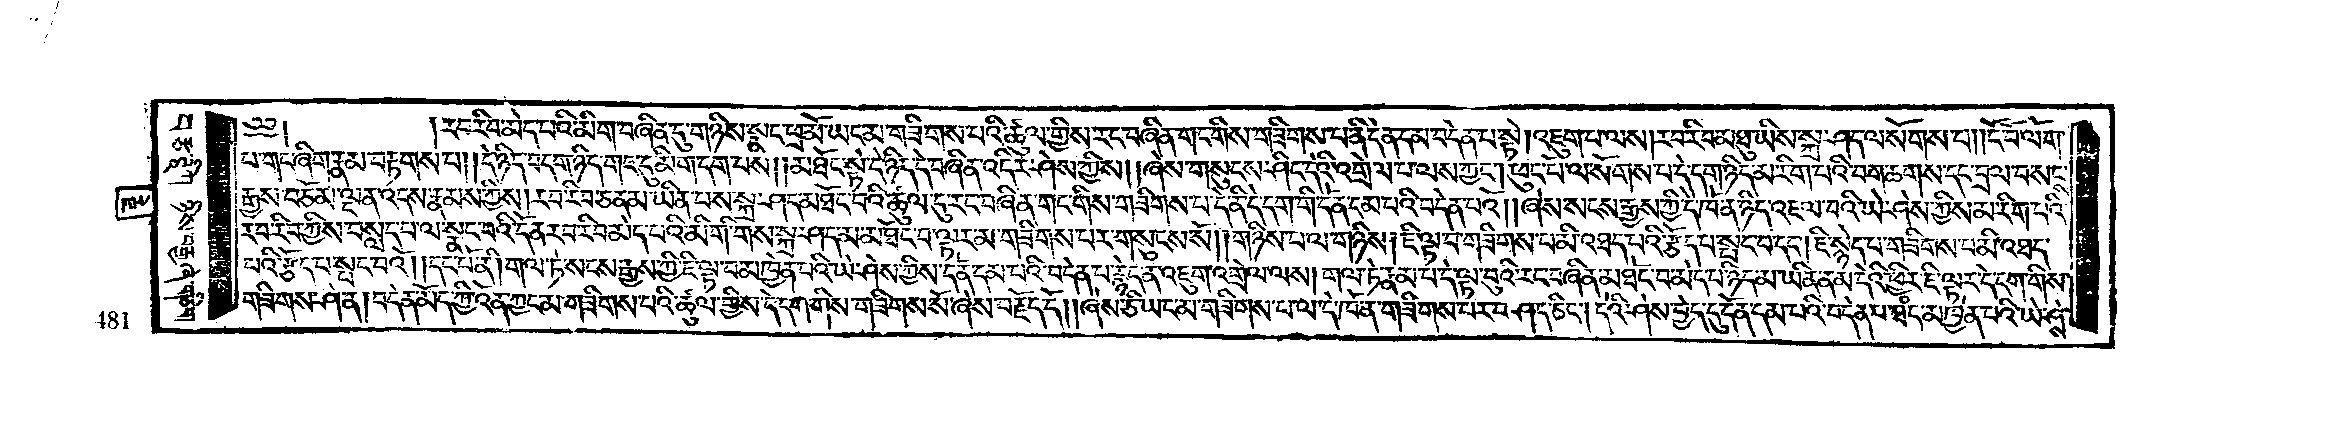༄༅། །རབ་རིབ་མེད་པའི་མིག་བཞིན་དུ་གཉིས་སྣང་ཕྲ་མོ་ཡང་མ་གཟིགས་པའི་ཚུལ་གྱིས་རང་བཞིན་གང་གིས་གཟིགས་པ་ནི་དོན་དམ་བདེན་པ་སྟེ། འཇུག་པ་ལས། རབ་རིབ་མཐུ་ཡིས་སྒྲ་ཤད་ལ་སོགས་པ། །ངོ་བོ་ལོག་
པ་གང་ཞིག་རྣམ་བརྟགས་པ། །དེ་ཉིད་བདག་ཉིད་གང་དུ་མིག་དག་པས། །མཐོང་སྟེ་དེ་ཉིད་དེ་བཞིན་འདིར་ཤེས་ཀྱིས། །ཞེས་གསུངས་ཤིང་དེའི་འགྲེལ་པ་ལས་ཀྱང་། ཕུང་པོ་ལ་སོགས་པ་དེ་དག་ཉིད་མ་རིག་པའི་བག་ཆགས་དང་བྲལ་བ་སངས་
རྒྱས་བཅོམ་ལྡན་འདས་རྣམས་ཀྱིས། རབ་རིབ་ཅན་མ་ཡིན་པས་སྐྲ་ཤད་མཐོང་བའི་ཚུལ་དུ་རང་བཞིན་གང་གིས་གཟིགས་པ་དེ་ནི་དེ་དག་གི་དོན་དམ་པའི་བདེན་པའོ། །ཞེས་སངས་རྒྱས་ཀྱི་དེ་ཁོ་ན་ཉིད་འཇལ་བའི་ཡེ་ཤེས་ཀྱིས་མ་རིག་པའི་
རབ་རིབ་ཀྱིས་བསླད་པ་ལ་སྣང་བའི་དོན་རབ་རིབ་མེད་པའི་མིག་གིས་སྐྲ་ཤད་མ་མཐོང་བ་ལྟར་མ་གཟིགས་པར་གསུངས་སོ། །གཉིས་པ་ལ་གཉིས། ཇི་ལྟ་བ་གཟིགས་པ་མི་འཐད་པའི་རྩོད་པ་སྤང་བ་དང་། ཇི་སྙེད་པ་གཟིགས་པ་མི་འཐད་
པའི་རྩོད་པ་སྤང་བའོ། །དང་པོ་ནི། གལ་ཏེ་སངས་རྒྱས་ཀྱི་ཇི་ལྟ་བ་མཁྱེན་པའི་ཡེ་ཤེས་ཀྱིས་དོན་དམ་པའི་བདེན་པ་རྙེད་ན་འཇུག་འགྲེལ་ལས། གལ་ཏེ་རྣམ་པ་དེ་ལྟ་བུའི་རང་བཞིན་མཐོང་བ་མེད་པ་ཉིད་མ་ཡིན་ནམ་དེའི་ཕྱིར་ཇི་ལྟར་དེ་དག་གིས་
གཟིགས་ཤེ་ན། བདེན་མོད་ཀྱི་འོན་ཀྱང་མ་གཟིགས་པའི་ཚུལ་གྱིས་དེ་དག་གིས་གཟིགས་སོ་ཞེས་བརྗོད་དོ། །ཞེས་ཅི་ཡང་མ་གཟིགས་པ་ལ་དེ་ཁོ་ན་གཟིགས་པར་བཤད་ཅིང་། དེའི་ཤེས་བྱེད་དུ་དོན་དམ་པའི་བདེན་པ་ཐཾད་མཁྱེན་པའི་ཡེ་ཤེས་